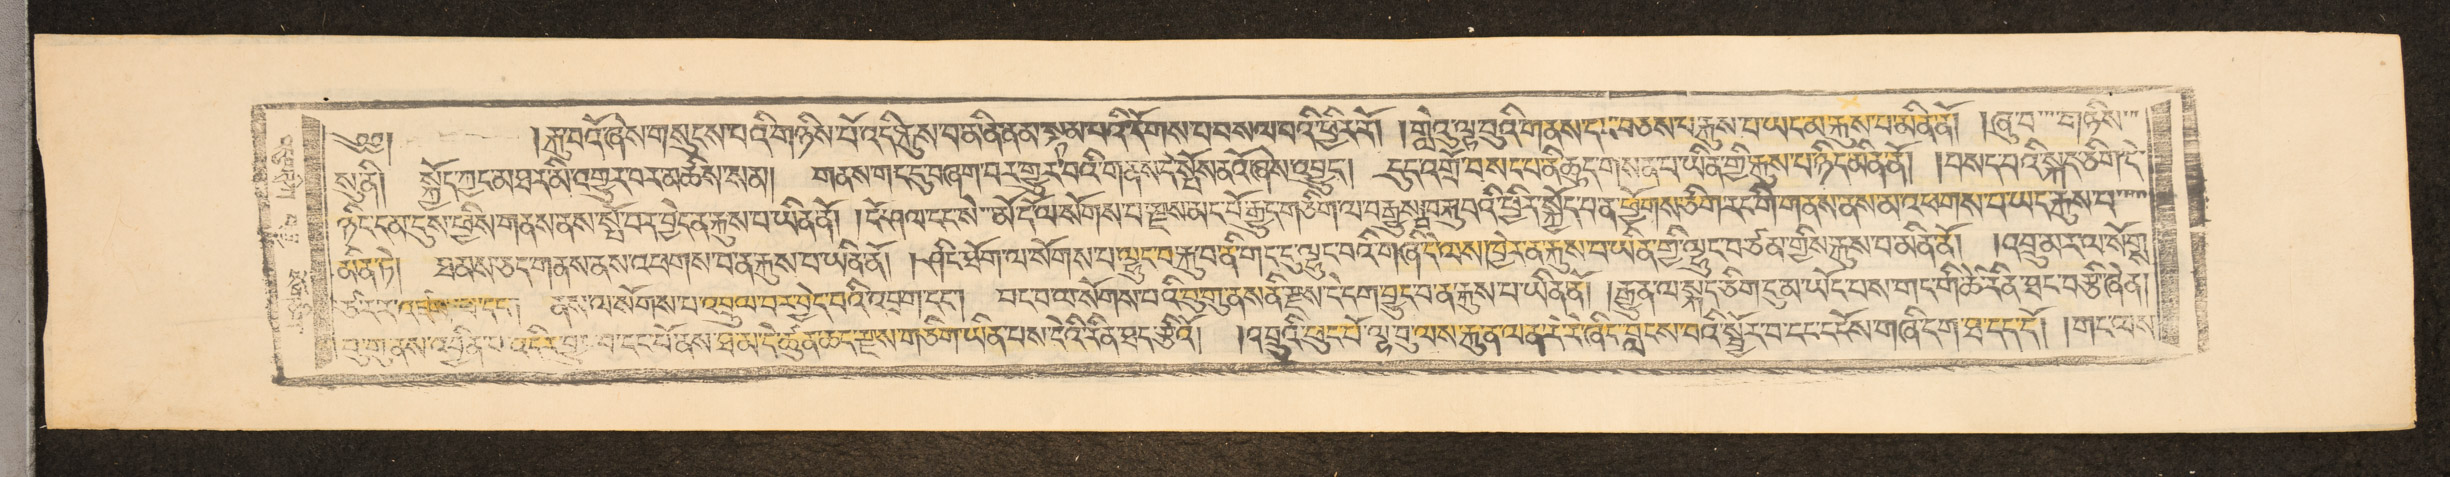༄༅། །རྐུ་བའོ་ཞེས་གསུངས་པའི་གཉིས་པོ་འདི་རྐུས་པ་མིན་ནམ་སྙམ་པའི་དོགས་པ་བསལ་བའི་ཕྱིར་རོ། །གླེའུ་ལྟ་བུའི་གནས་དང་བཅས་པ་རྐུས་པ་ཡང་མ་རྐུས་པ་མིན་ནོ། །ཞུ་བ་གཉིས་
སུ་ནི། སྐྱོད་ཀྱང་མཐར་མི་འགྱུར་བར་མཆིས་སམ། གནས་གང་དུ་བཞག་པར་གྱུར་པའི་གནས་དེ་སྤོས་ནའོ་ཞེས་འབྱུང་། དུད་འགྲོ་བསད་པ་ནི་ཆུད་གསན་པ་ཡིན་གྱི་རྐུས་པ་ཉིད་མིན་ནོ། །བསད་པའི་སྐད་ཅིག་དེ་
ཉིད་དམ་དུས་ཕྱིས་གནས་ནས་སྤོ་བར་བྱེད་ན་རྐུས་པ་ཡིན་ནོ། །དོ་ཤལ་དང་སེ་མོ་དོ་ལ་སོགས་པ་རྫས་མང་པོ་རྒྱུད་གཅིག་ལ་བརྒྱུས་པ་བརྐུ་བའི་ཕྱིར་སྐྱོད་པ་ན་ཕྱོགས་ཅིག་རང་གི་གནས་ནས་མ་འཕགས་པ་ཡང་རྐུས་པ་
མིན་ཏེ། ཐམས་ཅད་གནས་ནས་འཕགས་པ་ན་རྐུས་པ་ཡིན་ནོ། །ཤིང་ཐོག་ལ་སོགས་པ་ལྷུང་བ་རྐུ་བ་ནི་གང་དུ་ལྷུང་བའི་གཞི་དེ་ལས་ཁྱེར་ན་རྐུས་པ་ཡིན་གྱི་ལྷུང་བ་ཙམ་ཀྱིས་རྐུས་པ་མིན་ནོ། །འབྲུ་མར་ལ་སོགས་
ཙར་ར་འཛག་པ་དང་། ནས་ལ་སོགས་པ་འབྲུལ་བར་བྱེད་པའི་འབྲག་དང་། བང་བ་ལ་སོགས་པའི་བུ་གུ་ནས་ནི་རྫས་དེ་དག་བྱུང་བ་ན་རྐུས་པ་ཡིན་ནོ། །རྒྱུན་ལ་སྐད་ཅིག་དུ་མ་ཡོད་པས་གང་གི་ཚེ་རིན་ཐང་བརྩི་ཞེ་ན།
བུ་གུ་ནས་འབྱིན་པ་འདིར་བྱུང་བ་དང་པོ་ནས་ཐ་མ་དེ་ཚུན་ཆད་རྫས་གཅིག་ཡིན་པས་དེའི་རིན་ཐང་རྩིའོ། །འབྲུའི་ཕུང་པོ་ལྟ་བུ་ལས་རྐུ་ན་ལན་རེ་རེ་ཞིང་བླངས་བའི་སྦྱོར་བ་དང་དངོས་གཞི་དག་ཐ་དད་དོ། །གང་ལས་